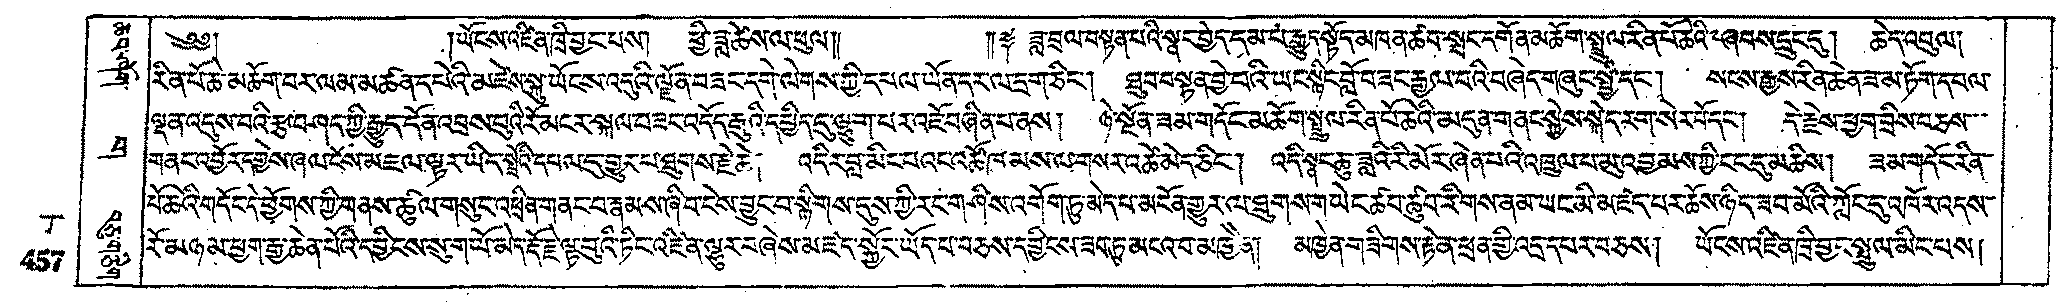༄༅། །ཡོངས་འཛིན་ཁྲི་བྱང་པས། ཕྱི་ཟླ་ཚེས་ལ་ཕུལ།། །། འ་ཟླ་བྲལ་བསྟན་པའི་སྣང་བྱེད་དམ་པ་རྒྱུད་སྟོད་མཁན་ཚབ་སྤང་དགོན་མཆོག་སྤྲུལ་རིན་པོ་ཆེའི ༧ཞབས་དྲུང་དུ། ཆེད་འབུལ།
རིན་པོ་ཆེ་མཆོག་བར་ལམ་མཚན་དཔེའི་མཛེས་སྐུ་ཡོངས་འདུའི་ལྗོན་བཟང་དགེ་ལེགས་ཀྱི་དཔལ་ཡོན་དར་ལ་དྲག་ཅིང་། ཐུབ་བསྟན་བྱེ་བའི་ཡང་སྙིང་བློ་བཟང་རྒྱལ་བའི་བཞེད་གཞུང་སྤྱི་དང་། སངས་རྒྱས་རིན་ཆེན་ཟ་མ་ཏོག་དཔལ་
ལྡན་འདུས་པའི་རྩ་བཤད་ཀྱི་རྒྱུད་དོན་འབྲས་བུའི་རོ་མངར་སྐལ་བཟང་འདོད་རྒྱུའི་དཔྱིད་དུ་ལྷུག་པར་འཇོ་བཞིན་པ་ནས། ཉེ་སྔོན་ཟམ་གདོང་མཆོག་སྤྲུལ་རིན་པོ་ཆེའི་མདུན་གནང་སྐྱེས་སྐེད་རག་སེར་པོ་དང་། དེ་རྗེས་ཕྱག་བྲིས་བཅས་་་
གནང་འབྱོར་དགྱེས་ཞལ་ངོས་མཇལ་ལྟར་ཡིད་སྤྲོའི་དཔལ་དུ་གྱུར་པ་ཐུགས་རྗེ་ཆེ། འདིར་བླ་མིང་པའང་འཚོ་ཁམས་ལ་གསར་འཚེ་མེད་ཅིང་། འདི་སྣང་ཆུ་ཟླའི་མོར་ཞེན་པའི་འཁྲུལ་པ་མུ་འབྱམས་ཀྱི་ངང་དུ་མཆིས། ཟམ་གདོང་རིན་་་
པོ་ཆེའི་གདོང་དེ་ཕྱོགས་ཀྱི་གནས་ཚུལ་གསུང་འཕྲིན་གནང་བ་རྣམས་ཞིབ་ངེས་བྱུང་བ་སྙིགས་དུས་ཀྱི་རང་གཤིས་འགོག་ཏུ་མེད་པ་མངོན་གྱུར་ལ་ཐུགས་གཡེང་ཚབ་ཚུབ་རིགས་ནམ་ཡང་མི་མཛད་པར་ཆོས་ཉིད་ཟབ་མོའི་ཀློང་དུ་འཁོར་འདས་་་
རོ་མཉམ་ཕྱག་རྒྱ་ཆེན་པོའི་དབྱིངས་སུ་གཡོ་མེད་རྡོ་རྗེ་ལྟ་བུའི་ཏིང་འཛིན་ལྷུར་བཞེས་མཛད་སྐྱོང་ཡོད་པ་བཅས་དབྱིངས་ཟབ་ཏུ་མངའ་བ་མཁྱཻན། མཁྱེན་གཟིགས་རྟེན་ཕྲན་གྱི་འདྲ་དཔར་བཅས། ཡོངས་འཛིན་ཁྲི་བྱང་སྤྲུལ་མིང་པས།